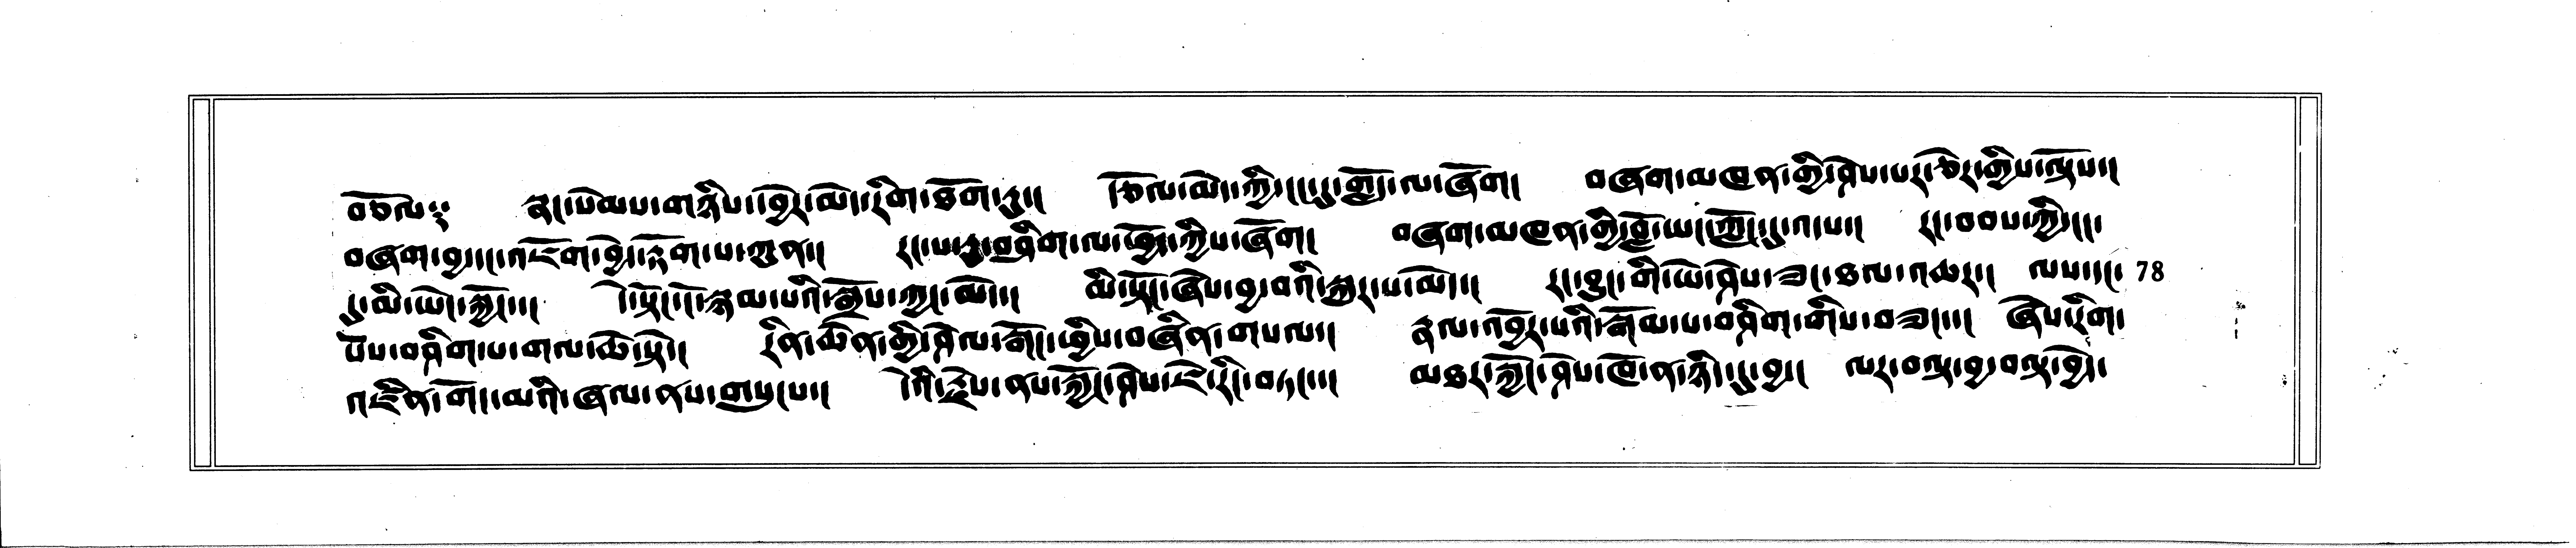བཅོལ། །སྣང་སེམས་གཉིས་དབྱེར་མེད་རིག་ཐོག་ཏུ། །རྩོལ་མེད་ཀྱི་ངང་དུ་གློད་ལ་ཞོག །བཞག་མཁན་གྱི་ཤེས་པར་གཅེར་གྱིས་ལྟོས། །
བཞག་བྱ་དང་འཇོག་བྱེད་རྟོག་པ་ཀུན། །རང་ས་རུ་བཤིག་ལ་ཕྱོད་ཀྱིས་ཞོག །བཞག་མཁན་གྱི་བློ་ཡང་ཀློང་དུ་འདས། །རང་བབས་ཀྱི་ངང་
དུ་མི་ཡེངས་སྐྱོང་། །དེ་སྟོང་ངོ་སྙམ་པའི་སྒྲོས་ཀྱང་མེད། །མི་སྟོང་ཞེས་བྱ་བའི་སྐུར་པ་མེད། །རང་འབྱུང་གི་ཡེ་ཤེས་ཟང་ཐལ་འཆར། །ལས་དང་
པོས་བཤིག་པ་གལ་ཆེ་སྟེ། །རིན་ཆེན་གྱི་ཤེལ་སྒོང་ཕྱིས་བཞིན་གསལ། །རྣལ་འབྱོར་པའི་སྒོམ་པ་བཤིག་གིས་བཟང་། །ཞེས་རིག་
འཛིན་གོང་མའི་ཞལ་ནས་གསུངས། །དེའི་རྗེས་ནས་སྐྱོང་ཤེས་ཇེ་རིང་བཏང་། །མཐར་སྐྱོང་ཤེས་ཁོ་ན་ཉིད་དུ་བྱ། །ལར་བལྟ་བྱ་ལྟ་བྱེད་